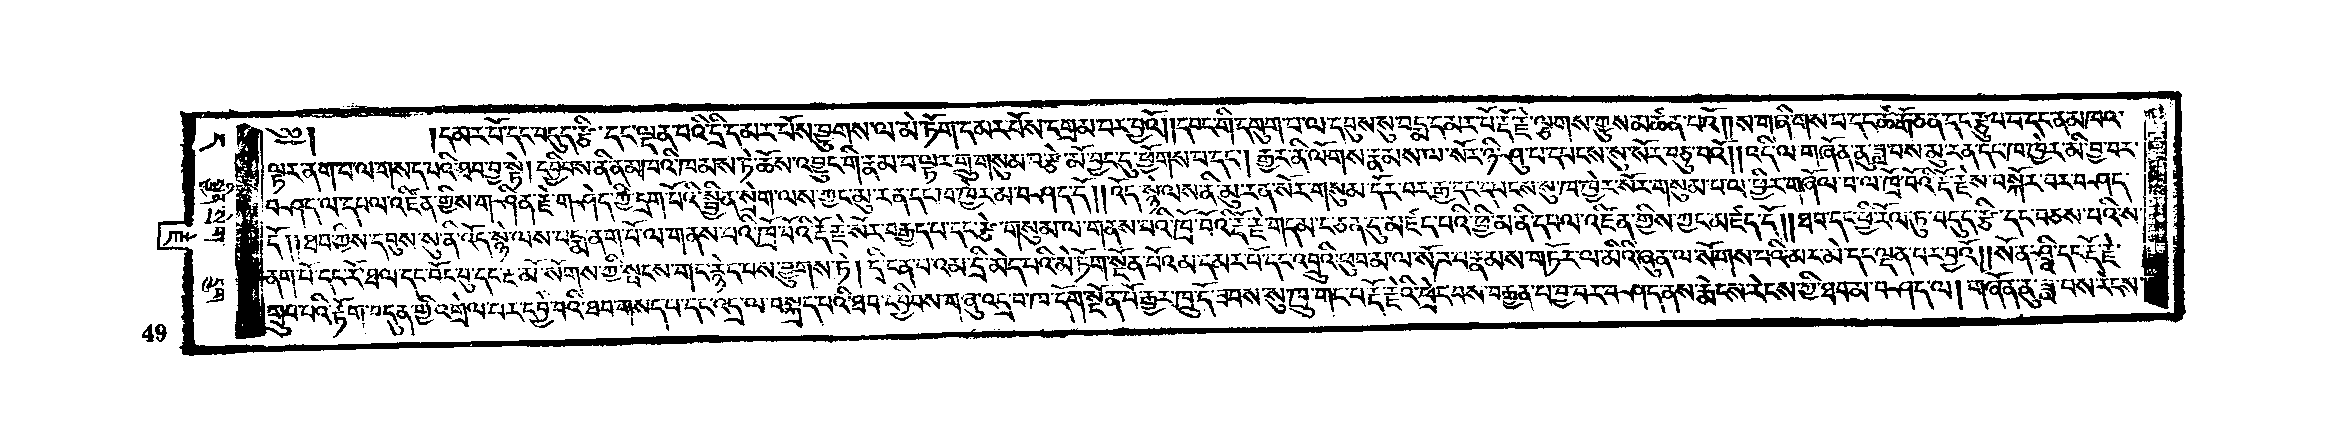༄༅། །དམར་པོ་དང་བདུད་རྩི་དང་ལྡན་པའི་དྲི་དམར་པོས་བྱུགས་ལ་མེ་ཏོག་དམར་པོས་དགྲམ་པར་བྱའོ། །དབང་གི་དགུག་པ་ལ་དབུས་སུ་པདམ་དམར་པོ་རྡོ་རྗེ་ལྕགས་ཀྱུས་མཚན་པའོ། །ས་གཞི་གས་པ་དང་ཚ་རྒོ་ཅན་དང་རྩུབ་པ་དང་ནམ་མཁའ་
ལྟར་ནག་པ་ལ་གསད་པའི་ཐབ་བྱ་སྟེ། དབྱིབས་ནི་ནམ་མཁའི་ཁམས་ཏེ་ཆོས་འབྱུང་གི་རྣམ་པ་ལྟར་གྲུ་གསུམ་བ་རྩེ་མོ་བྱང་དུ་ཕྱོགས་པ་དང་། རྒྱར་ནི་ལོགས་རྣམས་ལ་སོར་ཉི་ཤུ་པ་དཔངས་སུ་སོར་བཅུ་བའོ། །འདི་ལ་གཞོན་ནུ་ཟླ་བས་མུ་རན་དང་ཁ་ཁྱེར་མི་བྱ་བར་
བཤད་ལ་དཔལ་འཛིན་གྱིས་གཤིན་རྗེ་གཤེད་ཀྱི་དྲག་པོའི་སྦྱིན་སྲེག་ལས་ཀྱང་མུ་རན་དང་ཁ་ཁྱེར་མ་བཤད་དོ། །འོད་སྙེ་ལས་ནི་མུ་རན་སོར་གསུམ་དོར་བར་རྒྱ་དང་དཔངས་སུ་ཁ་ཁྱེར་སོར་གསུམ་པ་ལ་ཕྱིར་གཞོལ་བ་ལ་ཁྲོ་བོའི་རྡོ་རྗེས་བསྐོར་བར་བཤད་
དོ། །ཐབ་ཀྱིས་དབུས་སུ་ནི་འོད་སྙེ་ལས་པདམ་ནག་པོ་ལ་གནས་པའི་ཁྲོ་བོའི་རྡོ་རྗེ་སོར་བརྒྱད་པ་དང་རྩེ་གསུམ་ལ་གནས་པའི་ཁྲོ་བོའི་རྡོ་རྗེ་གདམ་ང་ཅན་དུ་མཛད་པའི་ཕྱི་མ་ནི་དཔལ་འཛིན་གྱིས་ཀྱང་མཛད་དོ། །ཐབ་དང་ཕྱི་རོལ་ཏུ་བདུད་རྩི་དང་བཅས་པའི་ས་
ནག་པོ་དང་རོ་ཐལ་དང་བོང་བུ་དང་རྔ་མོ་སོགས་ཀྱི་སྤངས་གང་རྙེད་པས་བྱུགས་ཏེ། དྲི་ངན་པ་འམ་དྲི་མེད་པའི་མེ་ཏོག་སྔོན་པོའམ་དམར་པོ་དང་འབྲུའི་ཕུབ་མ་ལ་སོགས་པ་རྣམས་གཏོར་ལ་མིའི་ཞུན་ལ་སོགས་པའི་མར་མེ་དང་ལྡན་པར་བྱའོ། །སོ་ན་ཤྲཱི་དང་རྡོ་རྗེ་
གྲུབ་པའི་རྟོག་བདུན་གྱི་འགྲེལ་པར་དབྱེ་བའི་ཐབ་གསད་པ་དང་འདྲ་ལ་བསྐྲད་པའི་ཐབ་དབྱིབས་གཞུ་འདྲ་བ་ཁ་དོག་སྔོན་པོ་རྒྱར་ཁྲུ་དོ་ཟབས་སུ་ཁྲུ་གང་པ་རྡོ་རྗེའི་ཕྲེང་བས་བརྒྱན་པ་བྱ་བར་བཤད་ནས་རྨོངས་རེངས་ཀྱི་ཐབ་མ་བཤད་ལ། གཞོན་ནུ་ཟླ་བས་རེངས་